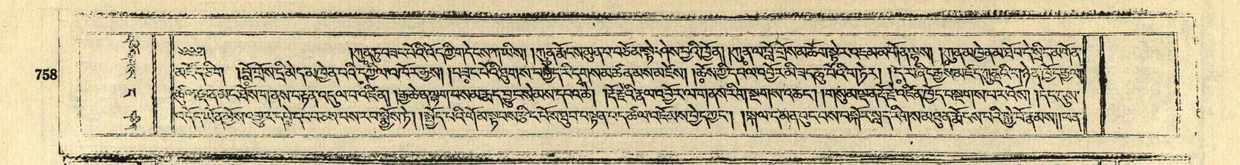༄༅༅། །ཀུན་ཏུ་བཟང་པོའི་འོད་ཀྱི་གདེངས་ཀ་ཡིས། །ཀུན་རྨོངས་མུན་པ་བཅོམ་སྟེ་ཤེས་བྱའི་ཁྱོན། །ཀུན་ལ་བློ་གྲོས་མཆོག་སྟེར་འཇམ་མགོན་ལྷས། །ཀུན་མཁྱེན་མཐོབ་དེ་སྲིད་མགོན་
མཛོད་ཅིག །བློ་གྲོས་དྲི་མེད་མཁྱེན་པའི་དཀྱིལ་འཁོར་རྒྱས། །བཟང་པོའི་ཐུགས་བསྐྱེད་རི་དྭགས་མཚན་མས་མཛེས། །ཆོས་ཀྱི་དཔལ་འབྱོར་མི་ཟད་ཆུ་བོའི་གཏེར། །དར་ཞིང་རྒྱས་མཛད་ཀུནྡའི་གཉེན་ཁྱོད་རྒྱལ།
ཚུལ་ལྡན་མང་ཐོཾས་གནས་བརྟན་འདུལ་བ་འཛིན། །རྒྱ་ཆེན་ལྷག་བསམ་རྨད་བྱུང་སེམས་དཔའ་ཆེ། །རྡོ་རྗེའི་རྣལ་འབྱོར་ལ་གནས་རིག་སྔགས་འཆང་། །གསུམ་ལྡན་རྡོ་རྗེ་འཛིན་ཁྱོད་པ་སྔགས་པར་འོས། །དེང་དུས་
འདོད་ཡོན་མྱོས་འགྱུར་དབྱེ་དང་བཅས་པས་རབ་སྨྱོས་ཏེ། །སྤྱོད་པའི་གོ་མ་སྟབས་རྩིང་པོས་ཐུབ་བསྟན་བད་ཚལ་འཇོམས་བྱེད་ཀྱང་། །སྐལ་དམན་བུང་བས་བསྐོར་སླད་རིགས་མཐུན་རྨོངས་པའི་སྐྱེ་བོ་རྣམས། །ཕན་